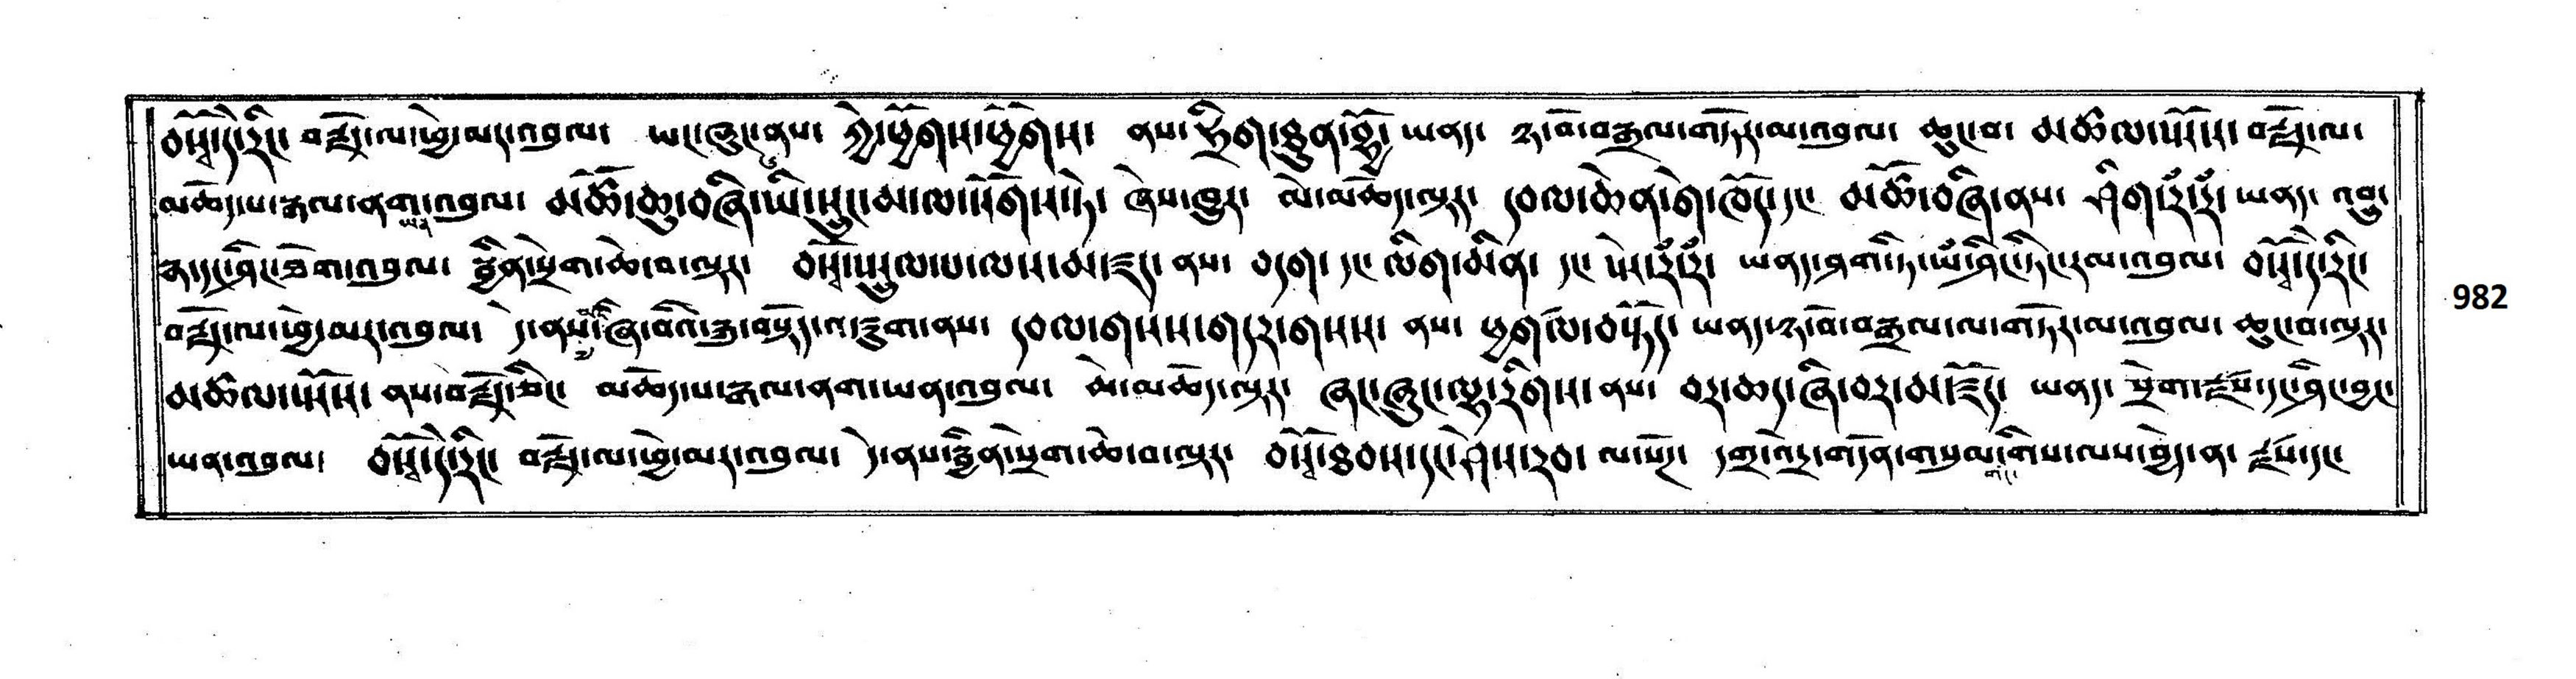བསྭོ་དེ་རིང་བརྗོད་ལ་ཕྱེ་མར་འབུལ་ཡང་གཞུང་ནས་ཀྱེ་ཕྱོགས་ཕྱོགས་ནས་ཧྲིག་ཐུན་བྷྱོ་ཡན་ཆད་ཉ་བོ་བསྒྲལ་གཏོར་མ་འབུལ་ཆུང་བ་མཚལ་སྤོས་བརྗོད་ལ་
མཆོད་པ་སྒལ་ནག་ཡན་འབུལ་མཚོ་ཆུ་བཞི་ཡི་སྲུང་མ་ལ་སོགས་ཏེ་ཞེས་ཁ་བསྒྱུར་མེ་མཆོད་ལྟར་དབལ་ཆེན་གེ་ཁོད་དང་མཚོ་བཞི་ནས་ཤིག་རཾ་རཾ་ཡན་ཆད་འབྲུ་
སྣ་དང་ཤིང་ཐོག་འབུལ་སྦྱིན་སྲེག་ཆེ་བ་ལྟར་བསྭོ་སྤྲུལ་པ་ལས་མཛད་ནས་བདག་དང་ལིག་མིན་དང་སྤེ་རཾ་རཾ་ཡན་ཆད་ཤག་ཏི་ཡཾ་ཤིང་ཏིང་རམ་འབུལ་བསྭོ་དེ་རིང་
བརྗོད་ལ་ཕྱེ་མར་འབུལ་དེ་ནས་ཡང་ཞི་བའི་སྐུ་བསྟོད་འཇུག་ནས་དབལ་གསས་གདར་གསས་ནས་ཕྱག་འཚལ་བསྟོད་ཡན་ཆད་ཉ་བོ་བསྒྲལ་ལ་གཏོར་མ་འབུལ་ཆུང་བ་ལྟར 
མཚལ་སྤོས་ནས་བརྗོད་ཅིང་མཆོད་པ་སྒལ་ནག་ཡན་འབུལ་མེ་མཆོད་ལྟར་ཞང་ཞུང་ལྷ་རིགས་ནས་བར་ཆད་ཞི་བར་མཛོད་ཡན་ཆད་སྲེག་རྫས་དང་ཤིང་བྱང་
ཡན་འབུལ་བསྭོ་དེ་རིང་བརྗོད་ལ་ཕྱེ་མར་འབུལ་དེ་ནས་སྦྱིན་སྲེག་ཆེ་བ་ལྟར་བསྭོ་ཐབས་དང་ཤེས་རབ་ལ་སོགས་དགྲ་འདྲེ་གདོན་གསུམ་གང་གིས་ལས་བྱེད་ན་རྫས་དང་